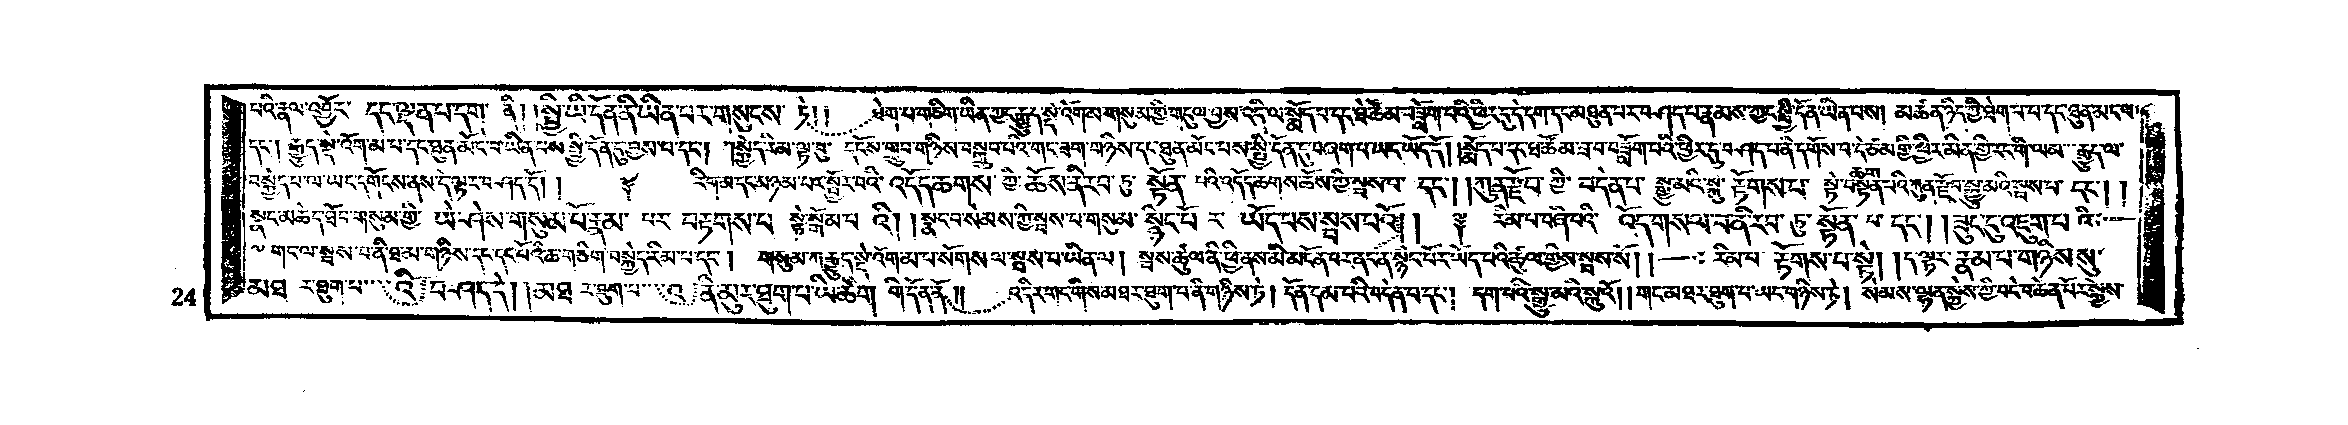པའི་རྣལ་འབྱོར་དང་ལྡན་པ་དག་ནི། །སྤྱི་ཡི་དོན་ནི་ཡིན་པར་གསུངས་ཏེ། །ཐེག་པ་གཅིག་ཡིན་ཀྱང་རྒྱུད་སྡེ་འོག་མ་གསུམ་གྱི་གདུལ་བྱས་འདི་ལ་སྨོད་པ་དང་ཐེ་ཚོམ་བཟློག་པའི་ཕྱིར་དུ་དེ་དག་དང་མཐུན་པར་བཤད་པ་རྣམས་ཀྱང་སྤྱི་དོན་ཡིན་པས། མཚན་ཉིད་ཀྱི་ཐེག་པ་པ་དང་ཐུན་མོང་པ་
དང་། རྒྱུད་སྡེ་འོག་མ་པ་དང་ཐུན་མོང་པ་ཡིན་པས་སྤྱི་དོན་དུ་བྱས་པ་དང་། བསྐྱེད་རིམ་ལྟ་བུ་དངོས་གྲུབ་གཉིས་བསྒྲུབ་པའི་གང་ཟག་གཉིས་དང་ཐུན་མོང་པས་སྤྱི་དོན་དུ་བཞག་པ་ཡང་ཡོད་དོ། །སྨོད་པ་དང་ཐེ་ཚོམ་ཟ་བ་བཟློག་པའི་ཕྱིར་དུ་བཤད་པ་ནི་དགོས་པ་དེ་ཙམ་གྱི་ཕྱིར་མིན་གྱི་རང་གི་ལམ་རྒྱུད་ལ་
བསྐྱེད་པ་ལ་ཡང་དགོངས་ནས་དེ་ལྟར་བཤད་དོ། ། ༈ རིག་མ་དང་མཉམ་པར་སྦྱོར་བའི་འདོད་ཆགས་ཀྱི་ཆོས་ནི་རབ་ཏུ་སྟོན་པའི་འདོད་ཆགས་ཆོས་ཀྱི་སྦས་པ་དང་། །ཀུན་རྫོབ་ཀྱི་བདེན་པ་སྒྱུ་མའི་སྐུ་རྟོགས་པ་སྟེ་ཆག་བསྟན་པའི་ཀུན་རྫོབ་སྒྱུ་མའི་སྦས་པ་དང་། །
སྣང་མཆེད་ཐོབ་གསུམ་གྱི་ཡེ་ཤེས་གསུམ་པོ་རྣམ་པར་བརྟགས་པ་སྟེ་སྒོམ་པའི། སྣང་བ་སེམས་ཀྱི་སྦས་པ་གསུམ་སྙིང་པོར་ཡོད་པས་སྦས་པའོ། །༈ རིམ་པ་བཞི་བའི་འོད་གསལ་བ་ནི་རབ་ཏུ་སྟོན་པ་དང་། །ཟུང་དུ་འཇུག་པའིཿ
༧་གང་ལ་སྦས་པ་ནི་ཐ་མ་གཉིས་དང་དང་པོའི་ཆ་གཅིག་བསྐྱེད་རིམ་པ་དང་། གསུམ་ཀ་རྒྱུད་སྡེ་འོག་མ་པ་སོགས་ལ་སྦས་པ་ཡིན་ལ། སྦས་ཚུལ་ནི་ཕྱི་ནས་མི་མངོན་པར་ནང་ན་སྙིང་པོར་ཡོད་པའི་ཚུལ་གྱིས་སྦས་སོ།། .Hརིམ་པ་རྟོགས་པ་སྟེ། ། ད་ལྟར་རྣམ་པ་གཉིས་སུ་
མཐར་ཐུག་པའི་བཤད་དེ། །མཐར་ཐུག་པ་འ་ནི་མུར་ཐུག་པ་ཡི་ཚིག་གི་དོན་ནོ།། འདིར་གང་གིས་མཐར་ཐུག་པ་ནི་གཉིས་ཏེ། དོན་དམ་པའི་བདེན་པ་དང་། དག་པའི་སྒྱུ་མའི་སྐུའོ། །གང་མཐར་ཐུག་པ་ཡང་གཉིས་ཏེ། སེམས་ལྷན་སྐྱེས་ཀྱི་བདེ་བ་ཆེན་པོར་སྐྱེས་